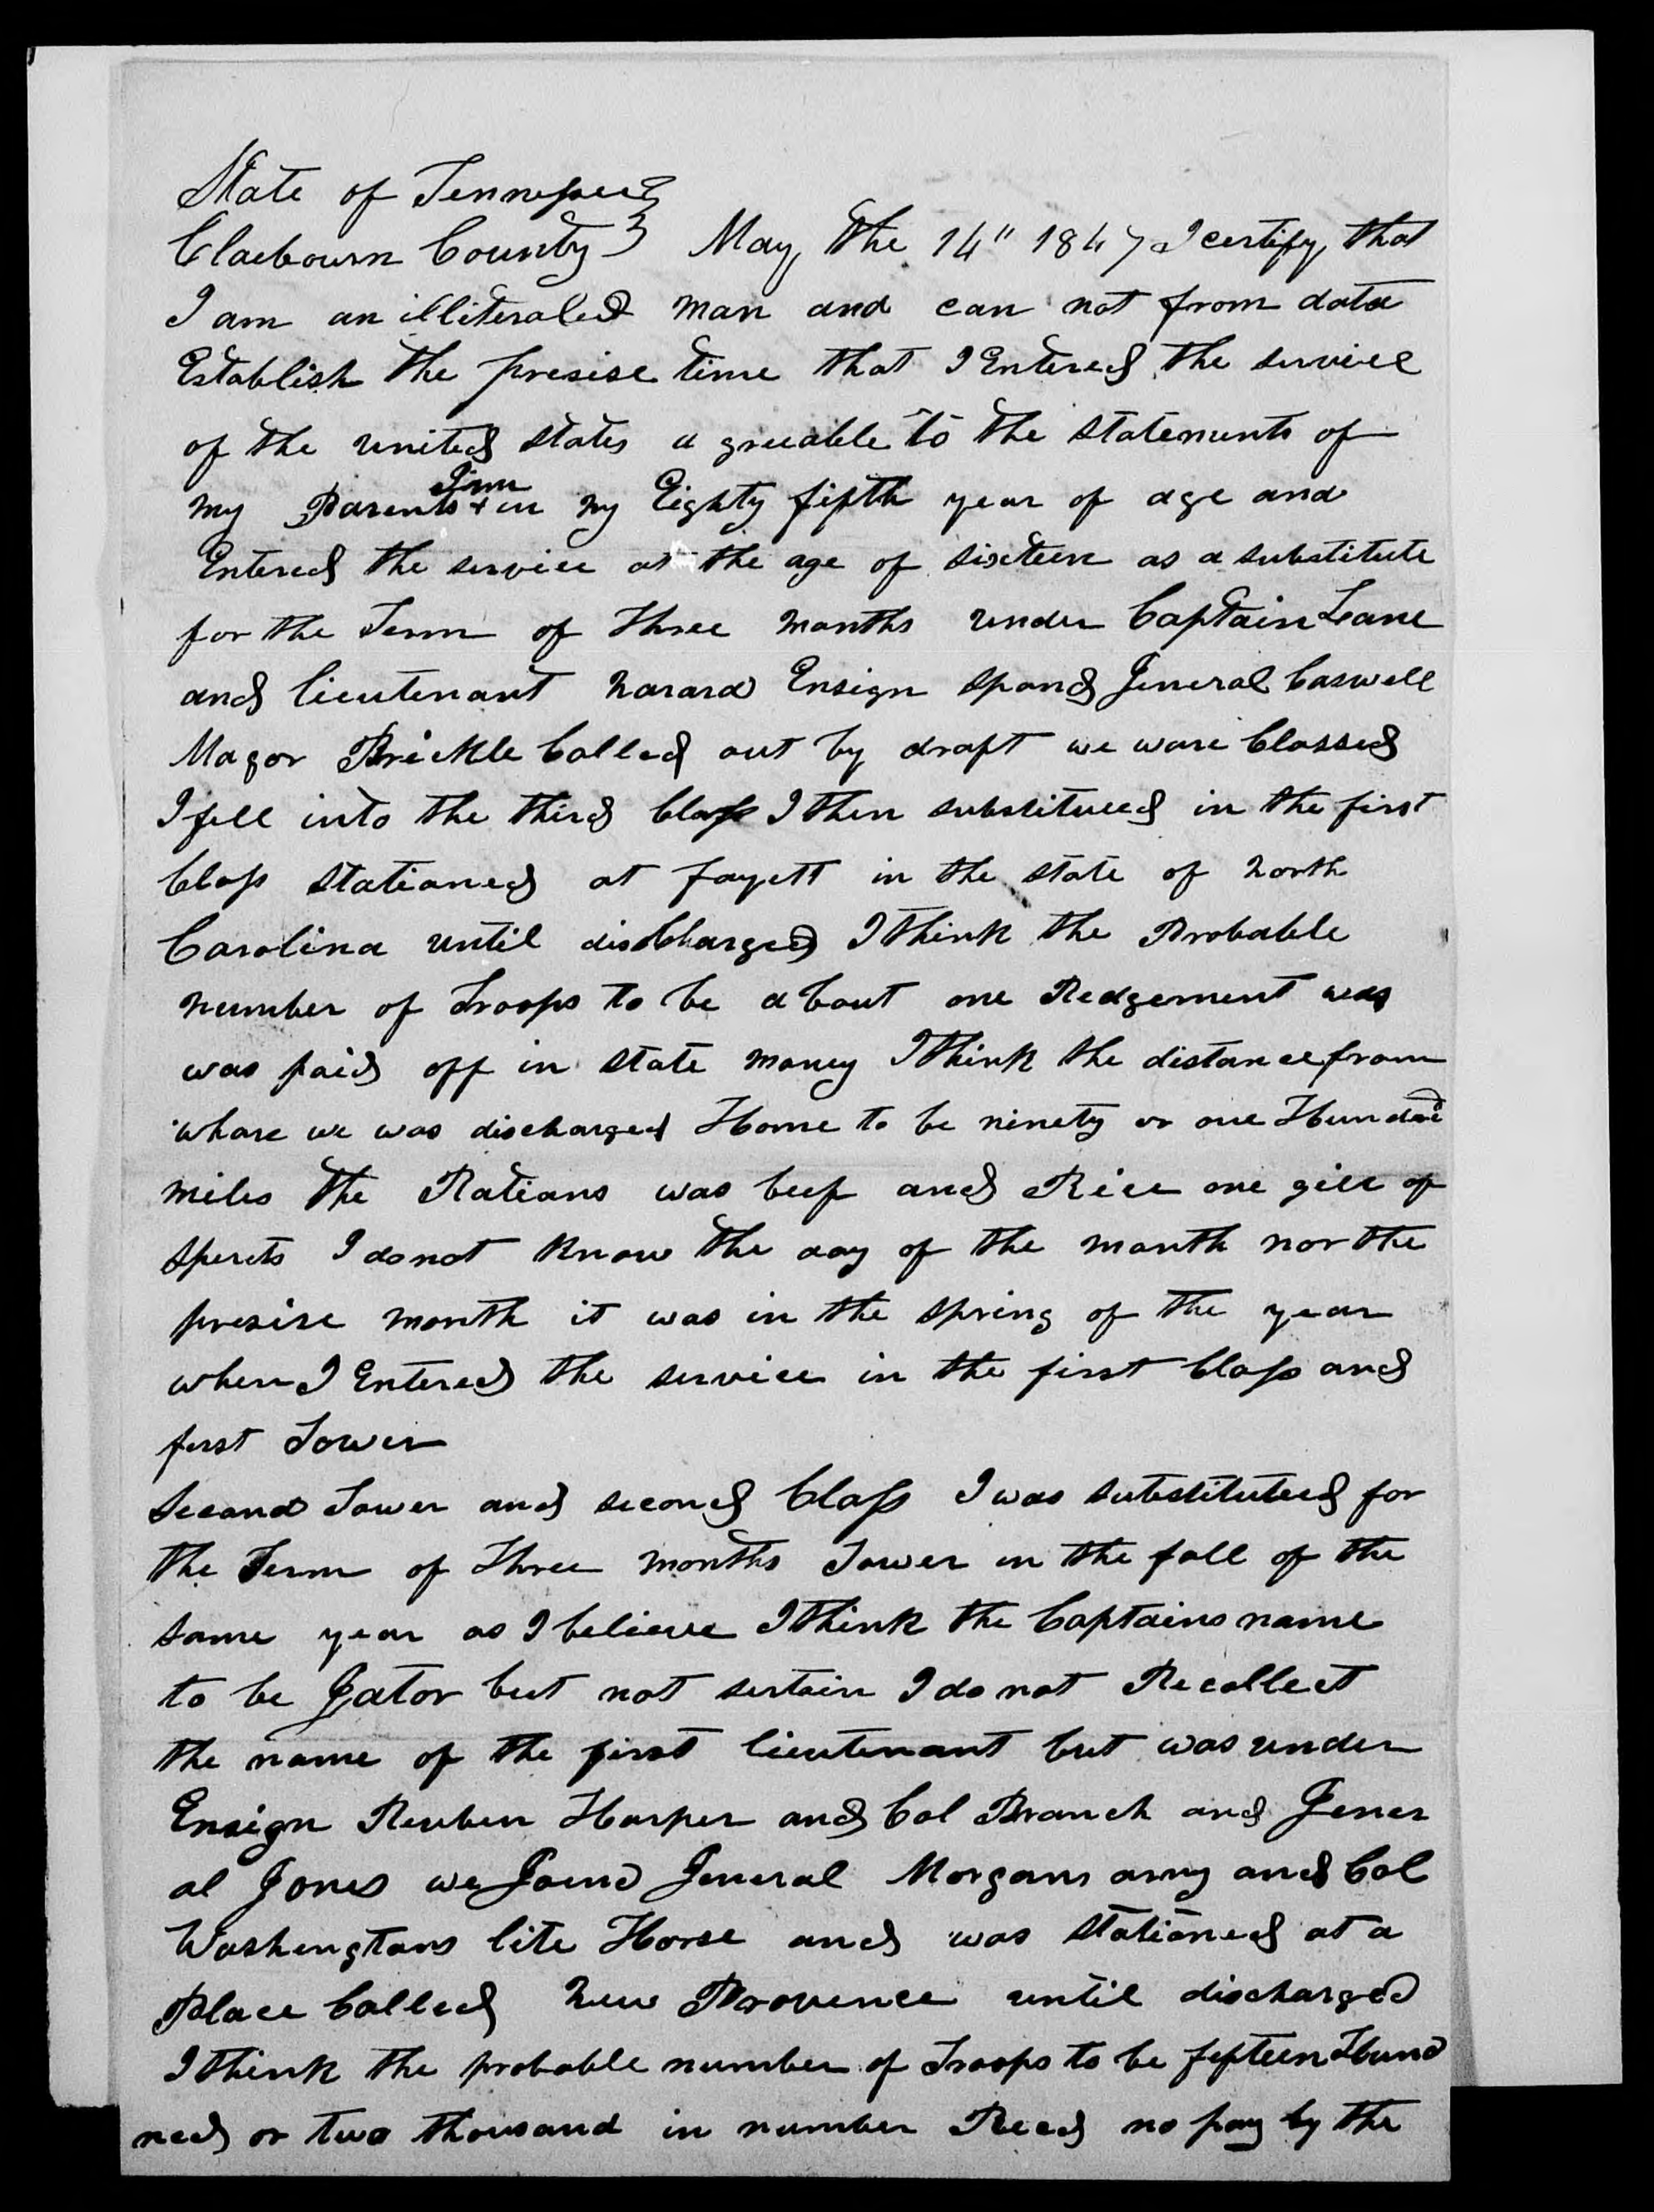State of Tennessee
Claiborne County

May the 14th, 1847

I certify that I am an illiterate man and cannot from date establish the precise time that I entered the service of the United States agreeable to the statement of my parents.

I am in my eighty-fifth year of age and entered the service at the age of sixteen as a substitute for the term of three months under Captain Lane and Lieutenant named Ensign. General Caswell & Major Brittle called out by draft & were classed. I fell into the third class. I then substituted in the first class. Stationing at Fayette in the state of North Carolina until discharged.

I think the probable number of troops to be about one regiment was & was paid off. The state money I think the distance from where we were discharged home to be ninety or one hundred miles. The rations were beef and rice one gill of spirits.

I do not know the day of the month nor the precise month. It was in the spring of the year when I entered the service in the first class and first tour.

Second tour and second class I was substituted for the term of three months. Tour in the fall of the same year I believe.

I think the Captain’s name to be Gaton but not certain. I do not recollect the name of the first lieutenant but was under Ensign Reuben Harper and Col. Branch and General Jones. We found General Morgan’s army and Col. Washington’s lite horse and was stationed at a place called New Providence until discharged.

I think the probable number of troops to be fifteen hundred.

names: Caswell, Brickle, Branch, Reuben Harper, Jones, Narard, Spand, Lane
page: 56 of 81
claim: survivor's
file: S. 1908, Richard Harper, N.C.